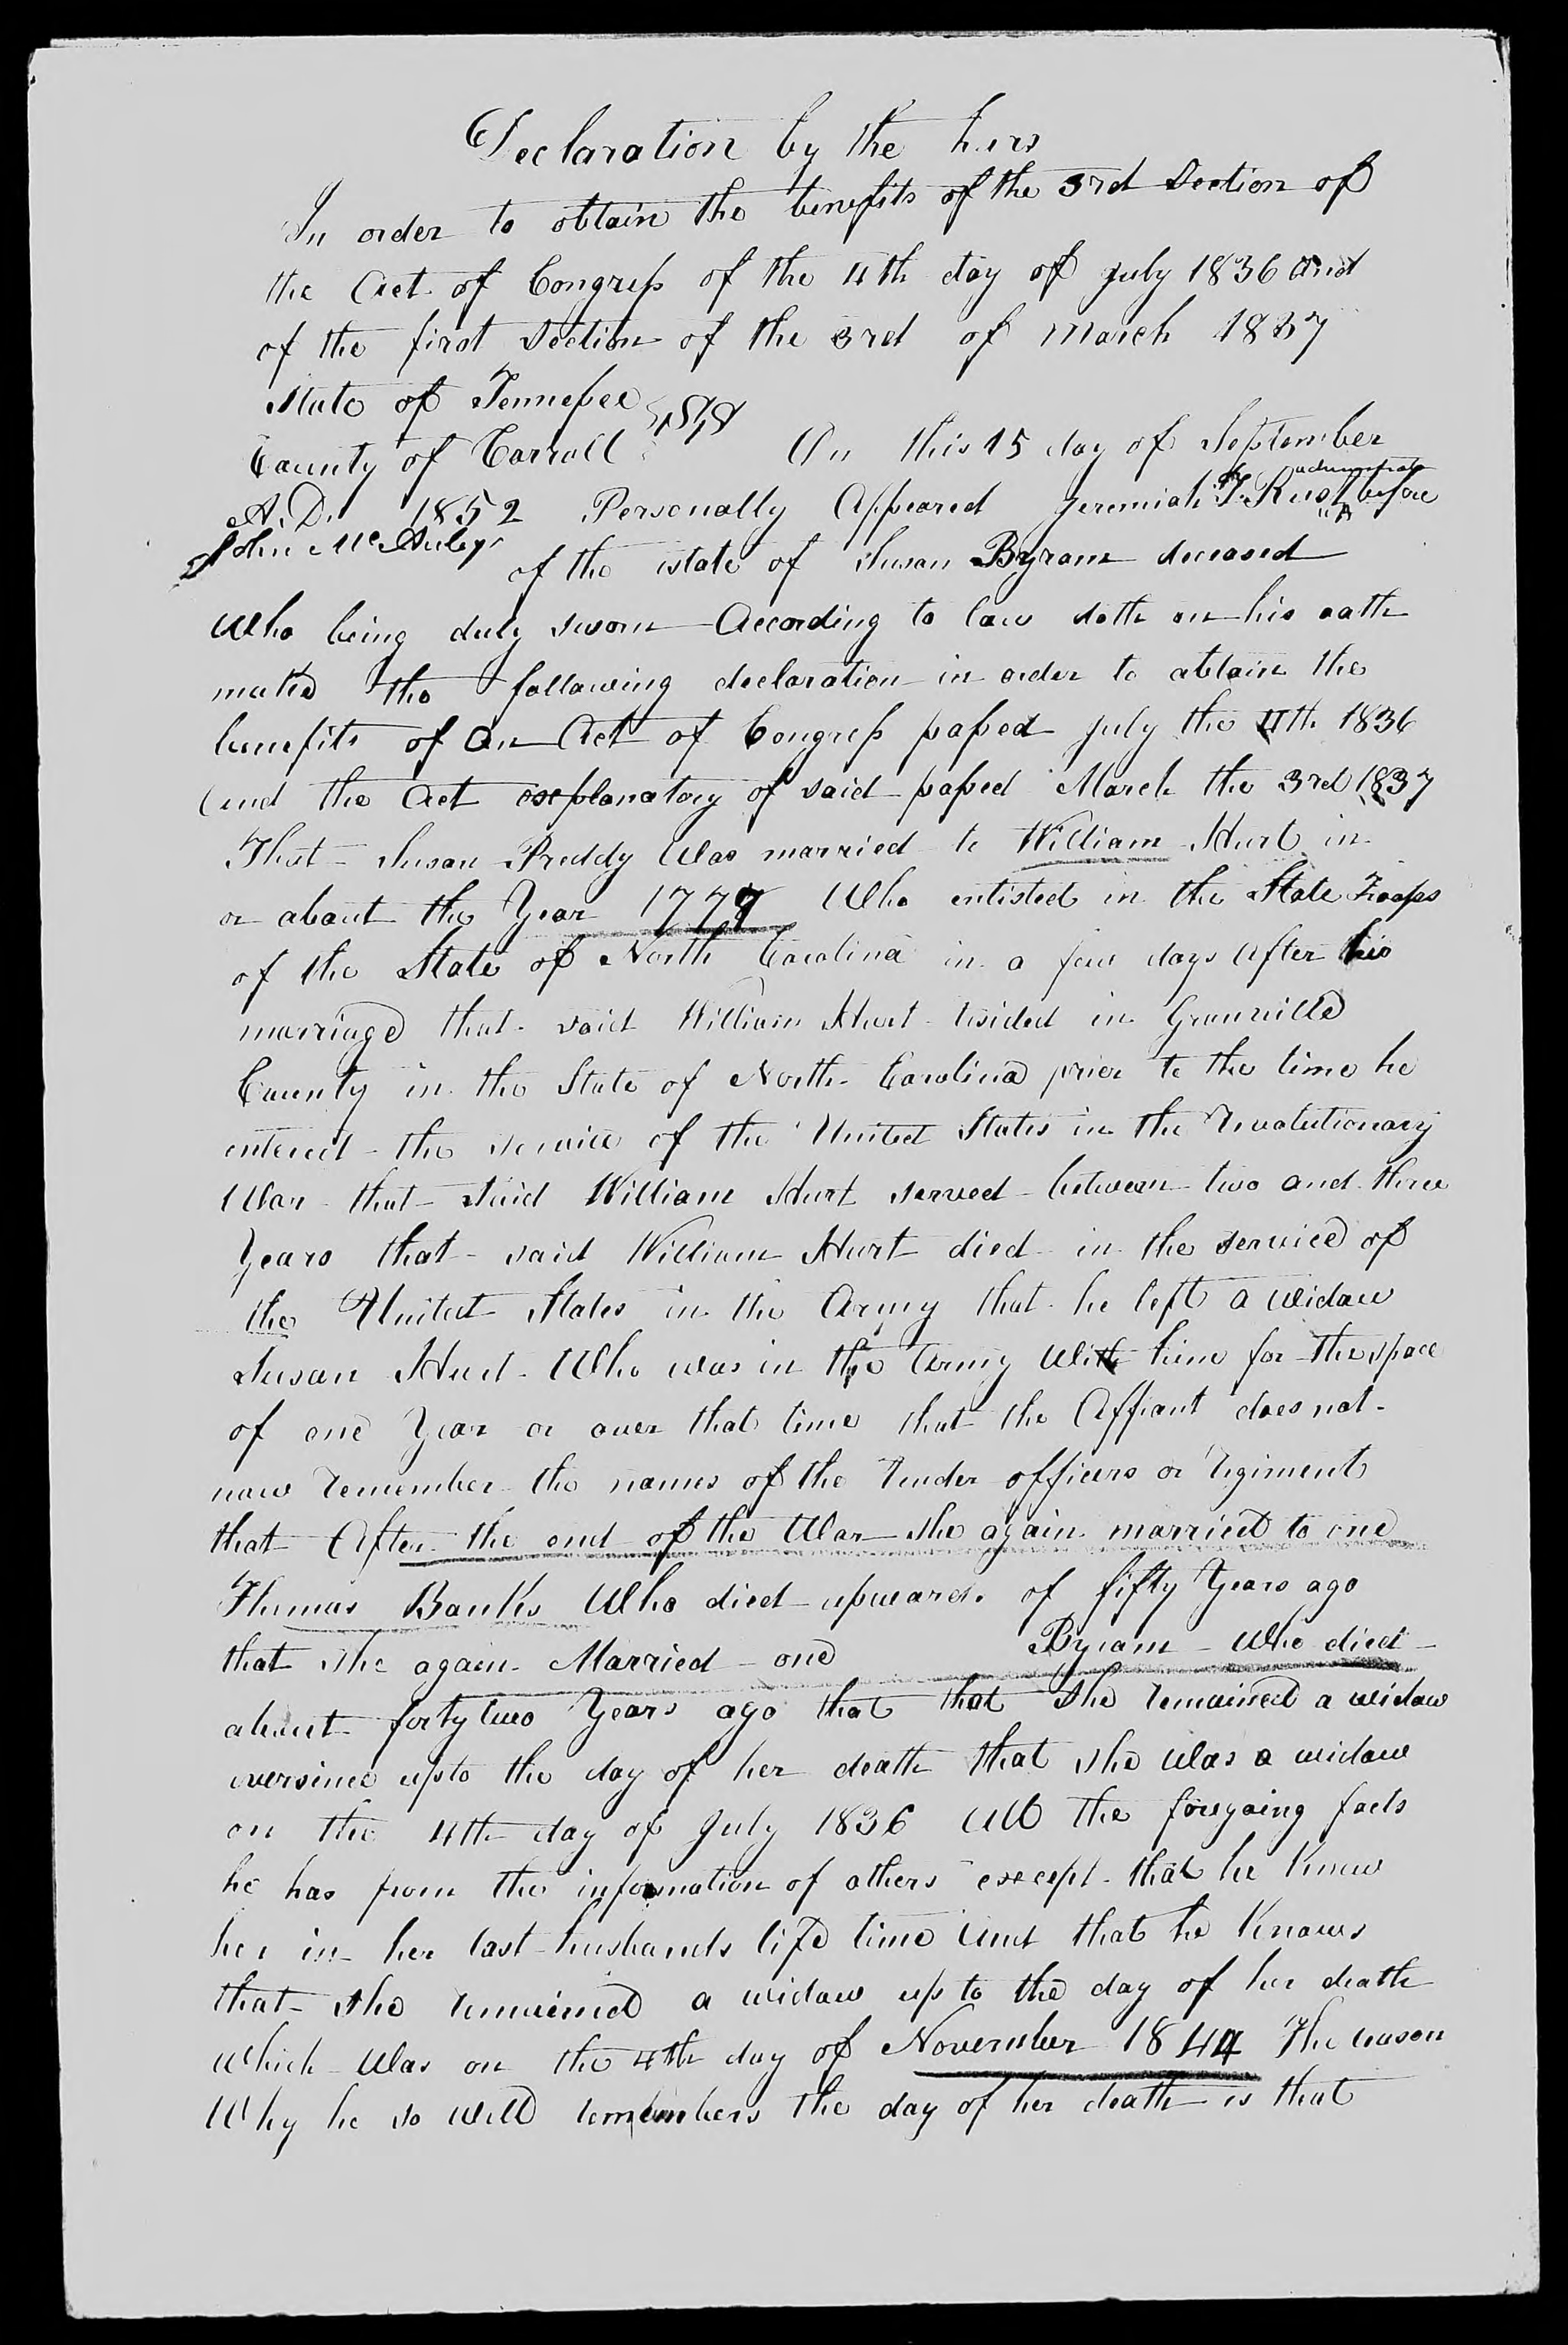Declaration by the heirs  In order to obtain the  benefits of the 3rd Section of the Act of Congress of the 4th day of July 1836  and of the first Section of the 3rd of March 1867 { State of Tennessee Count of Carroll ] SS. On this 15 day of September  A.D. 1852  personally appeared Jeremiah  T. Rust before John Mc Auley   administrator of the estate of Susan  Byram deceased who being sworn according to law doth on his oath make the following declaration in order to obtain the benefits of an act of  Congress passed July  the 4th 1836  and the act  explanatory  of said passed March the 3rd  1837  . That Susan Preddy  was married to William Hurt  in or about the year 1777  who enlisted in the  State troops of the  State of North Carolina in a few days after his marriage  that said William Hurt  resided in  Greenville County in the State of North Carolina  prior to the time he entered the service of the United States in the revolutionary war - that said William Hurt  served between  two and three years  that said William Hurt  died in the service of the United States in the army that left  a widow Susan Hurt who was living with him  for the space of one year or over that time that the affiant does not now remember the names of the under officers or regiments that after the end of the war  - she again married to one  Thomas Banks who died upwards of fifty years ago  that she again married one  __ Byram  who died about forty two years ago that she remained a widow ever since  up to the day of her death that she was a widow on the 4th day of July  1836  . All the foregoing facts  he has from the information of others except  that he knew her in her last husband's life time  and that he knows that she remained a widow up to  the day of her death  which was  on the 4th day of November 1844 . The reason he so well remembers the day of her death  is that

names: Susan Hurt; Susan Preddy; Jeremiah T Rust; John Mc Auley; Thomas Banks; Susan Byram; William Hurt; [BLANK] Byram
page: 2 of 75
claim: rejected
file: R. 1572, for William Hurt, [Blank]